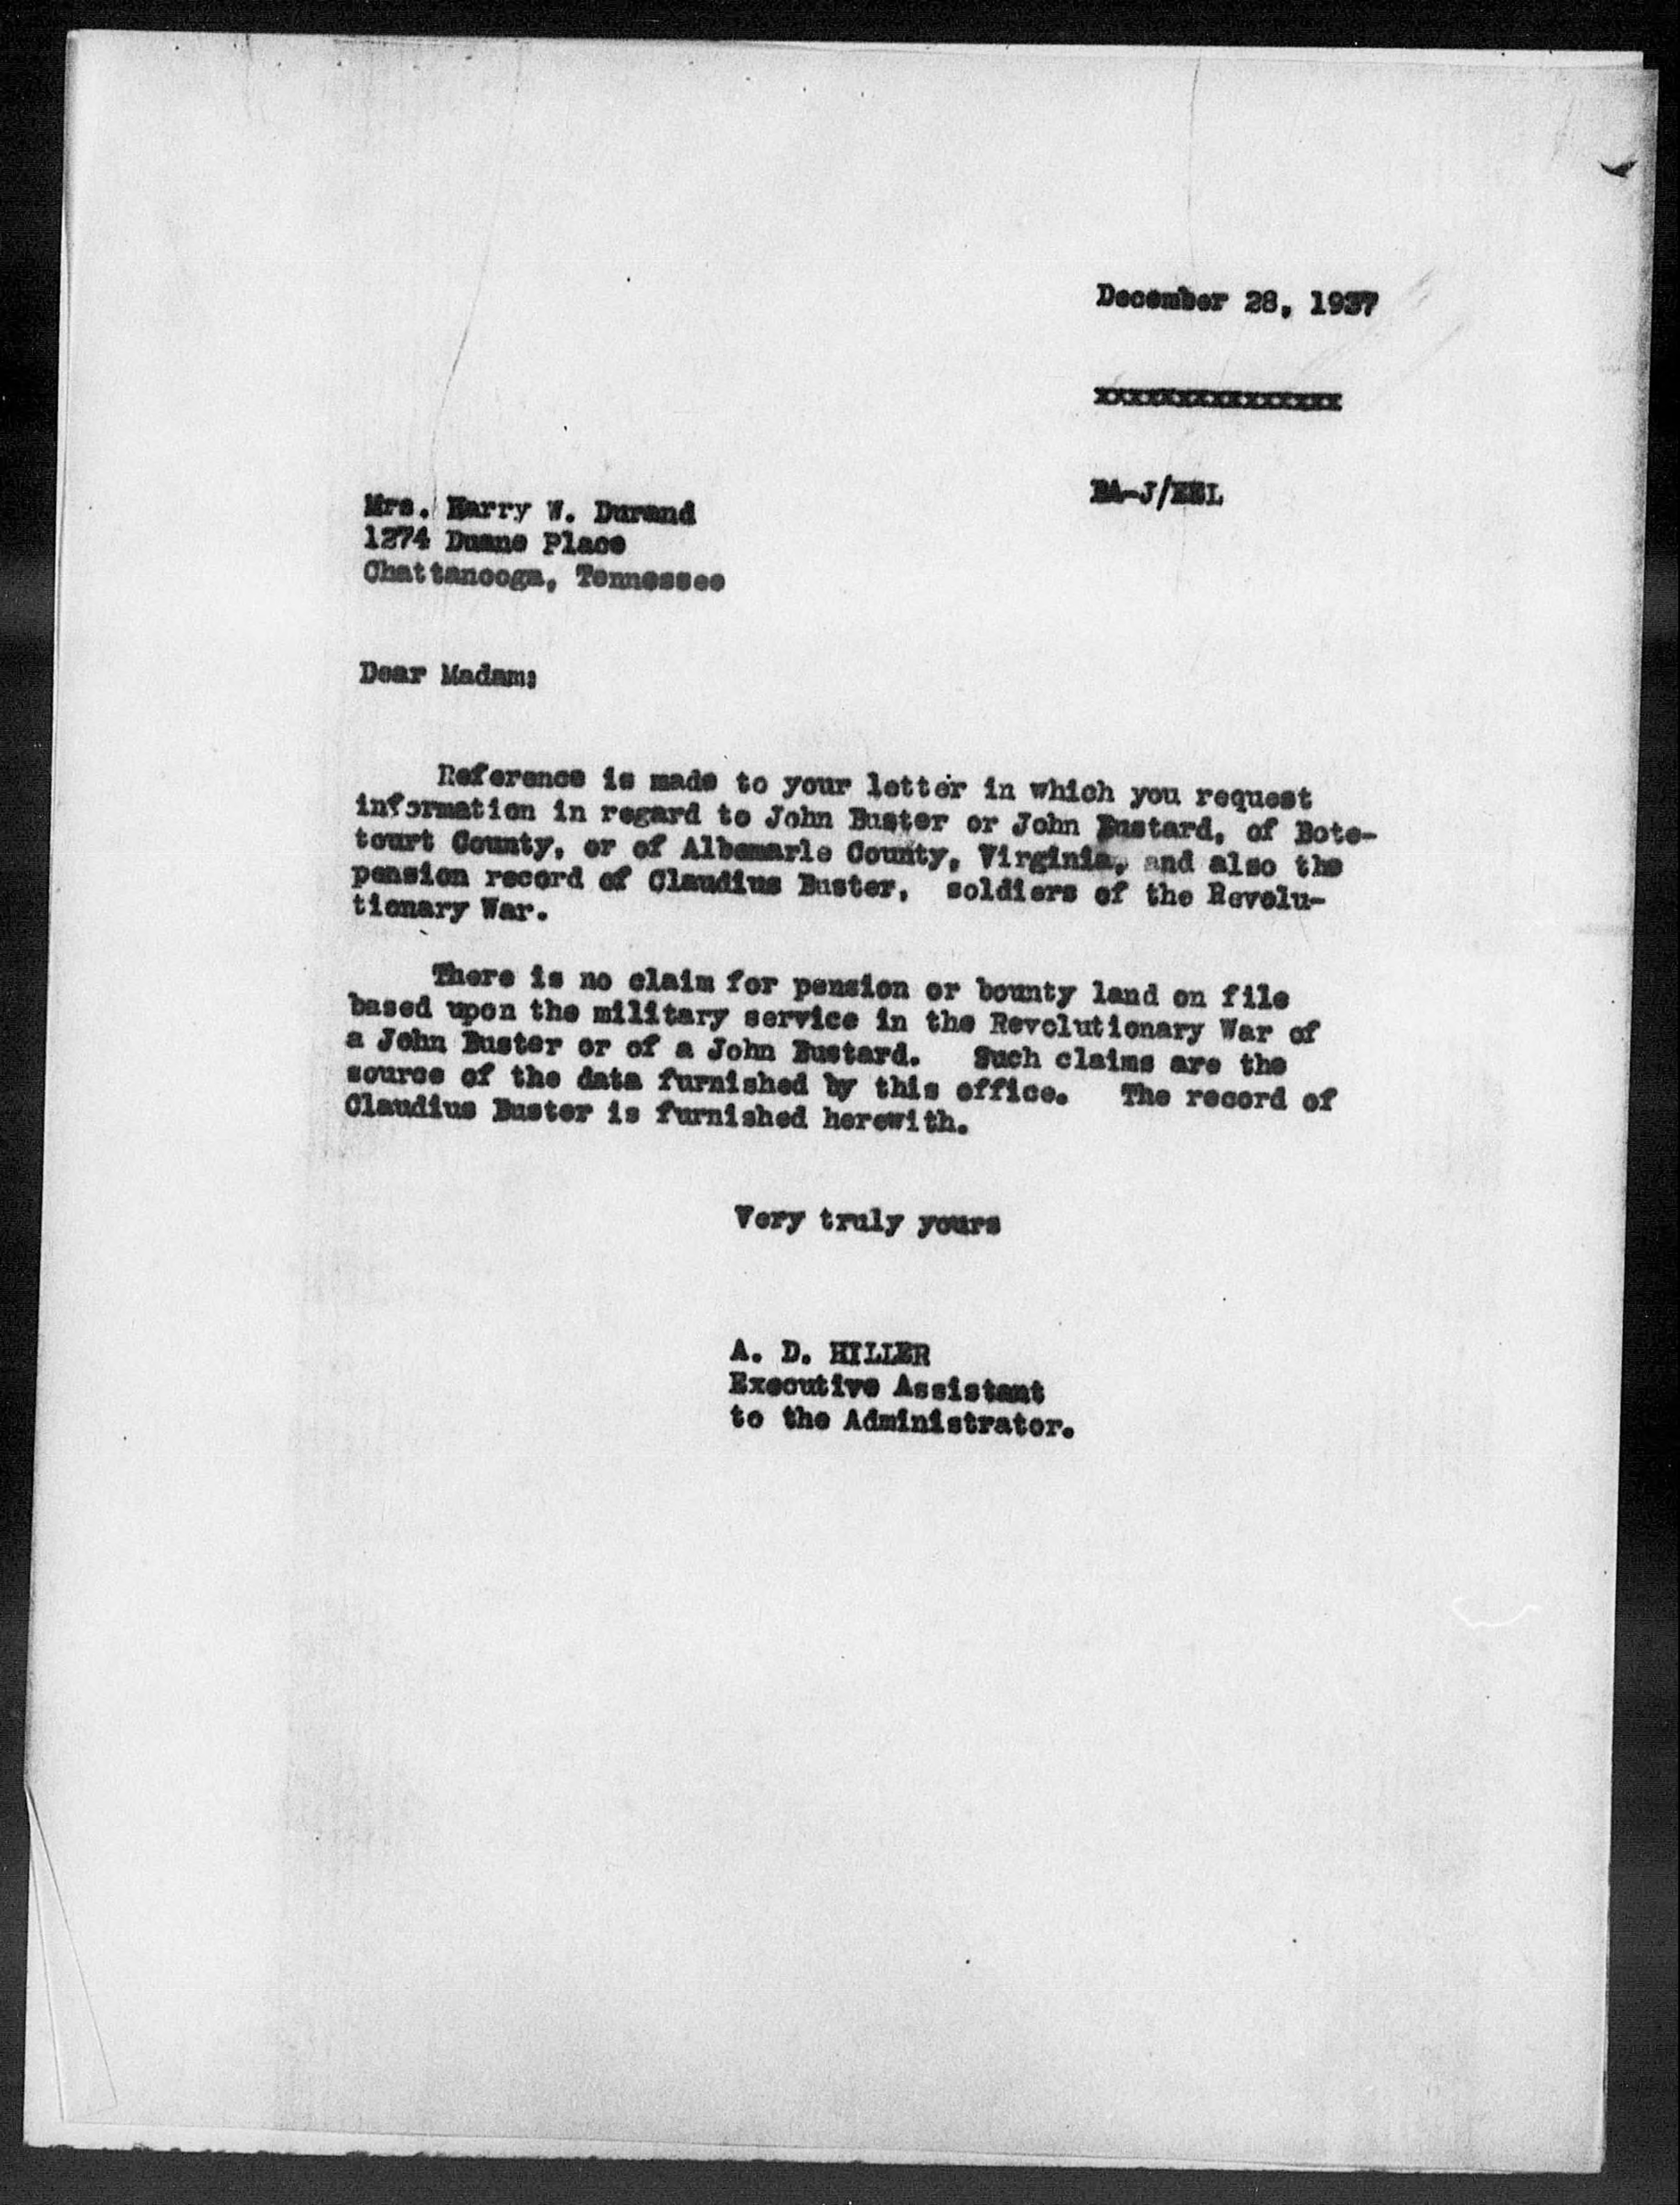December 28, 1937

xxxxxxxxxxxxxxxxxxx

BA-J/EEL

Mrs. Harry W. Durand
1274 Duane Place
Chattanooga, Tennessee

Dear Madam: 

Reference is made to your letter in which you request information in regard to John Buster or John Bustard, of Botetourt County, or of Albemarle County, Virginia, and also the pension record of Claudius Buster, soldiers of the Revolutionary War.

There is no claim for pension or bounty land on file based upon the military service in the Revolutionary War of a John Buster or John Bustard. Such claims are the source of the data furnished by this office. The record of Claudius Buster is furnished herewith.


Very truly yours

A. D. HILLER
Executive Assistant
to the Administrator.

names: John Bustard, A D Hiller, John Buster, Harry W Burand, Claudius Buster, John Bustard, Claudius Buster, John Buster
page: 68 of 71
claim: widow's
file: W. 25310, Claudius Buster, Va.